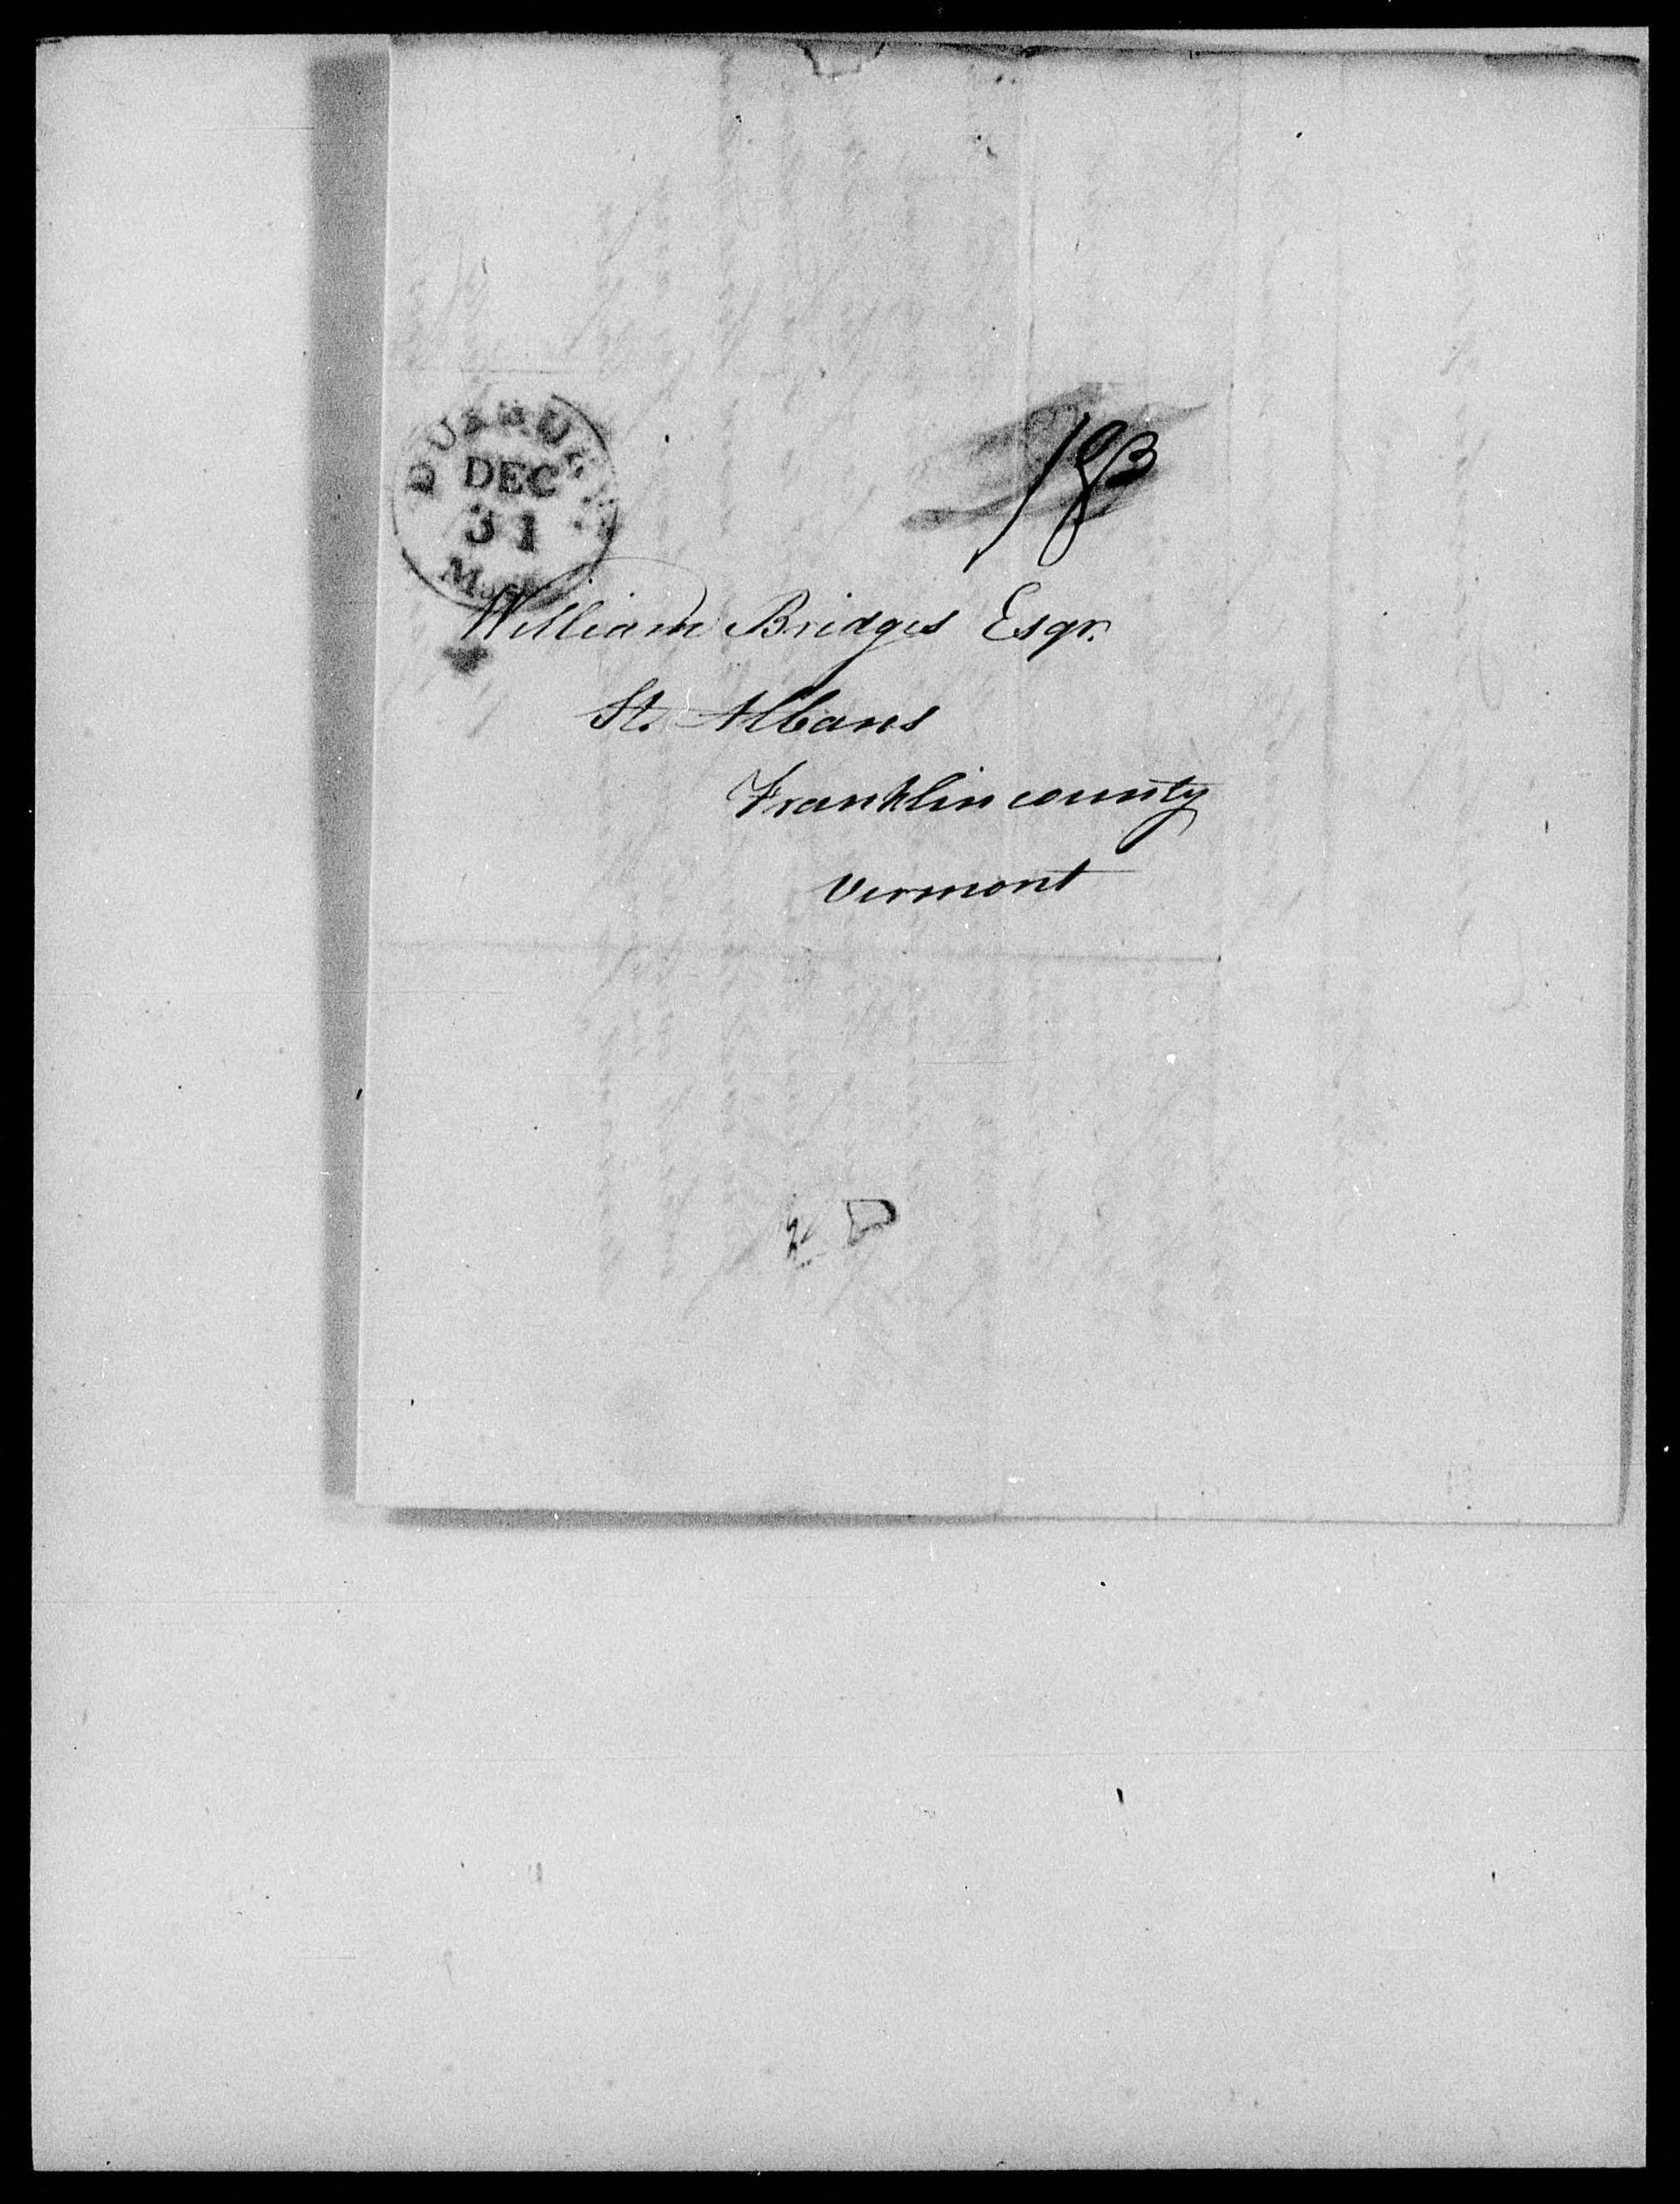William Bridges Esqr.
St. Albans
Franklin County
Vermont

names: William Bridges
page: 4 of 26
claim: widow's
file: W. 26,886, for Amos Phillips, Massachusetts